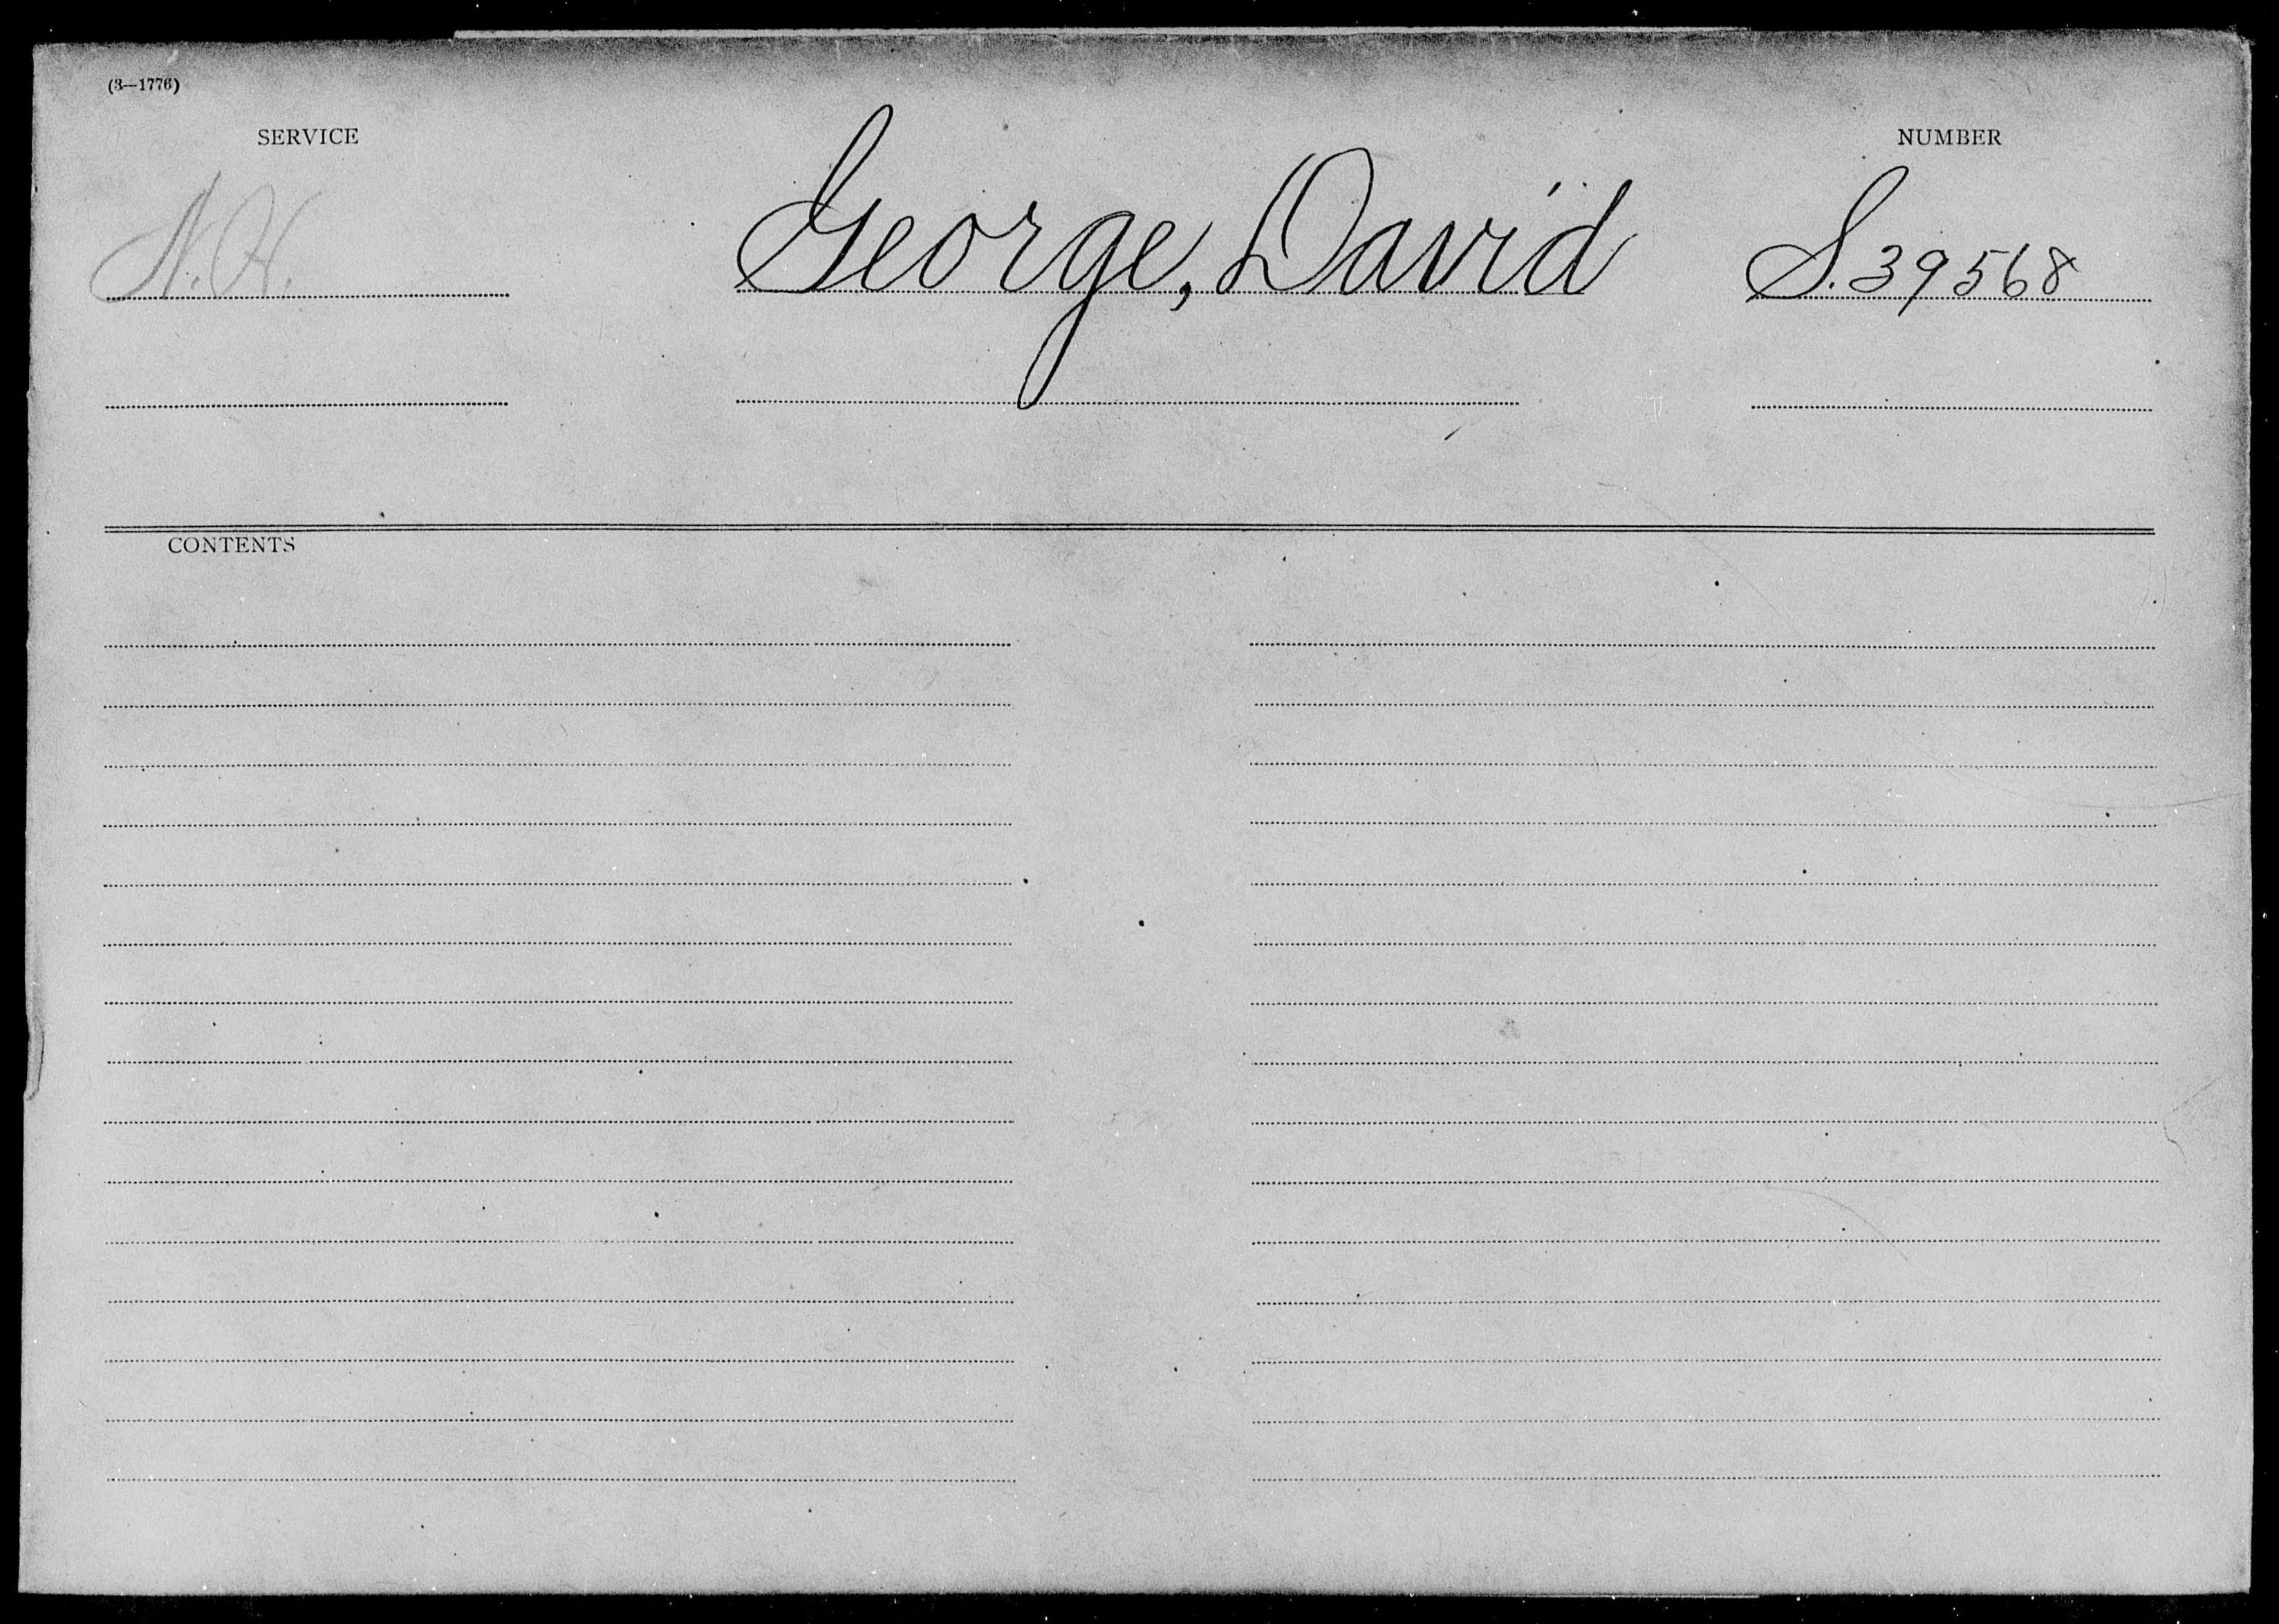(3-1776)
Service  Number
NH
George, David
S39568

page: 1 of 18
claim: survivor's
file: S. 39568, David George, N.H.